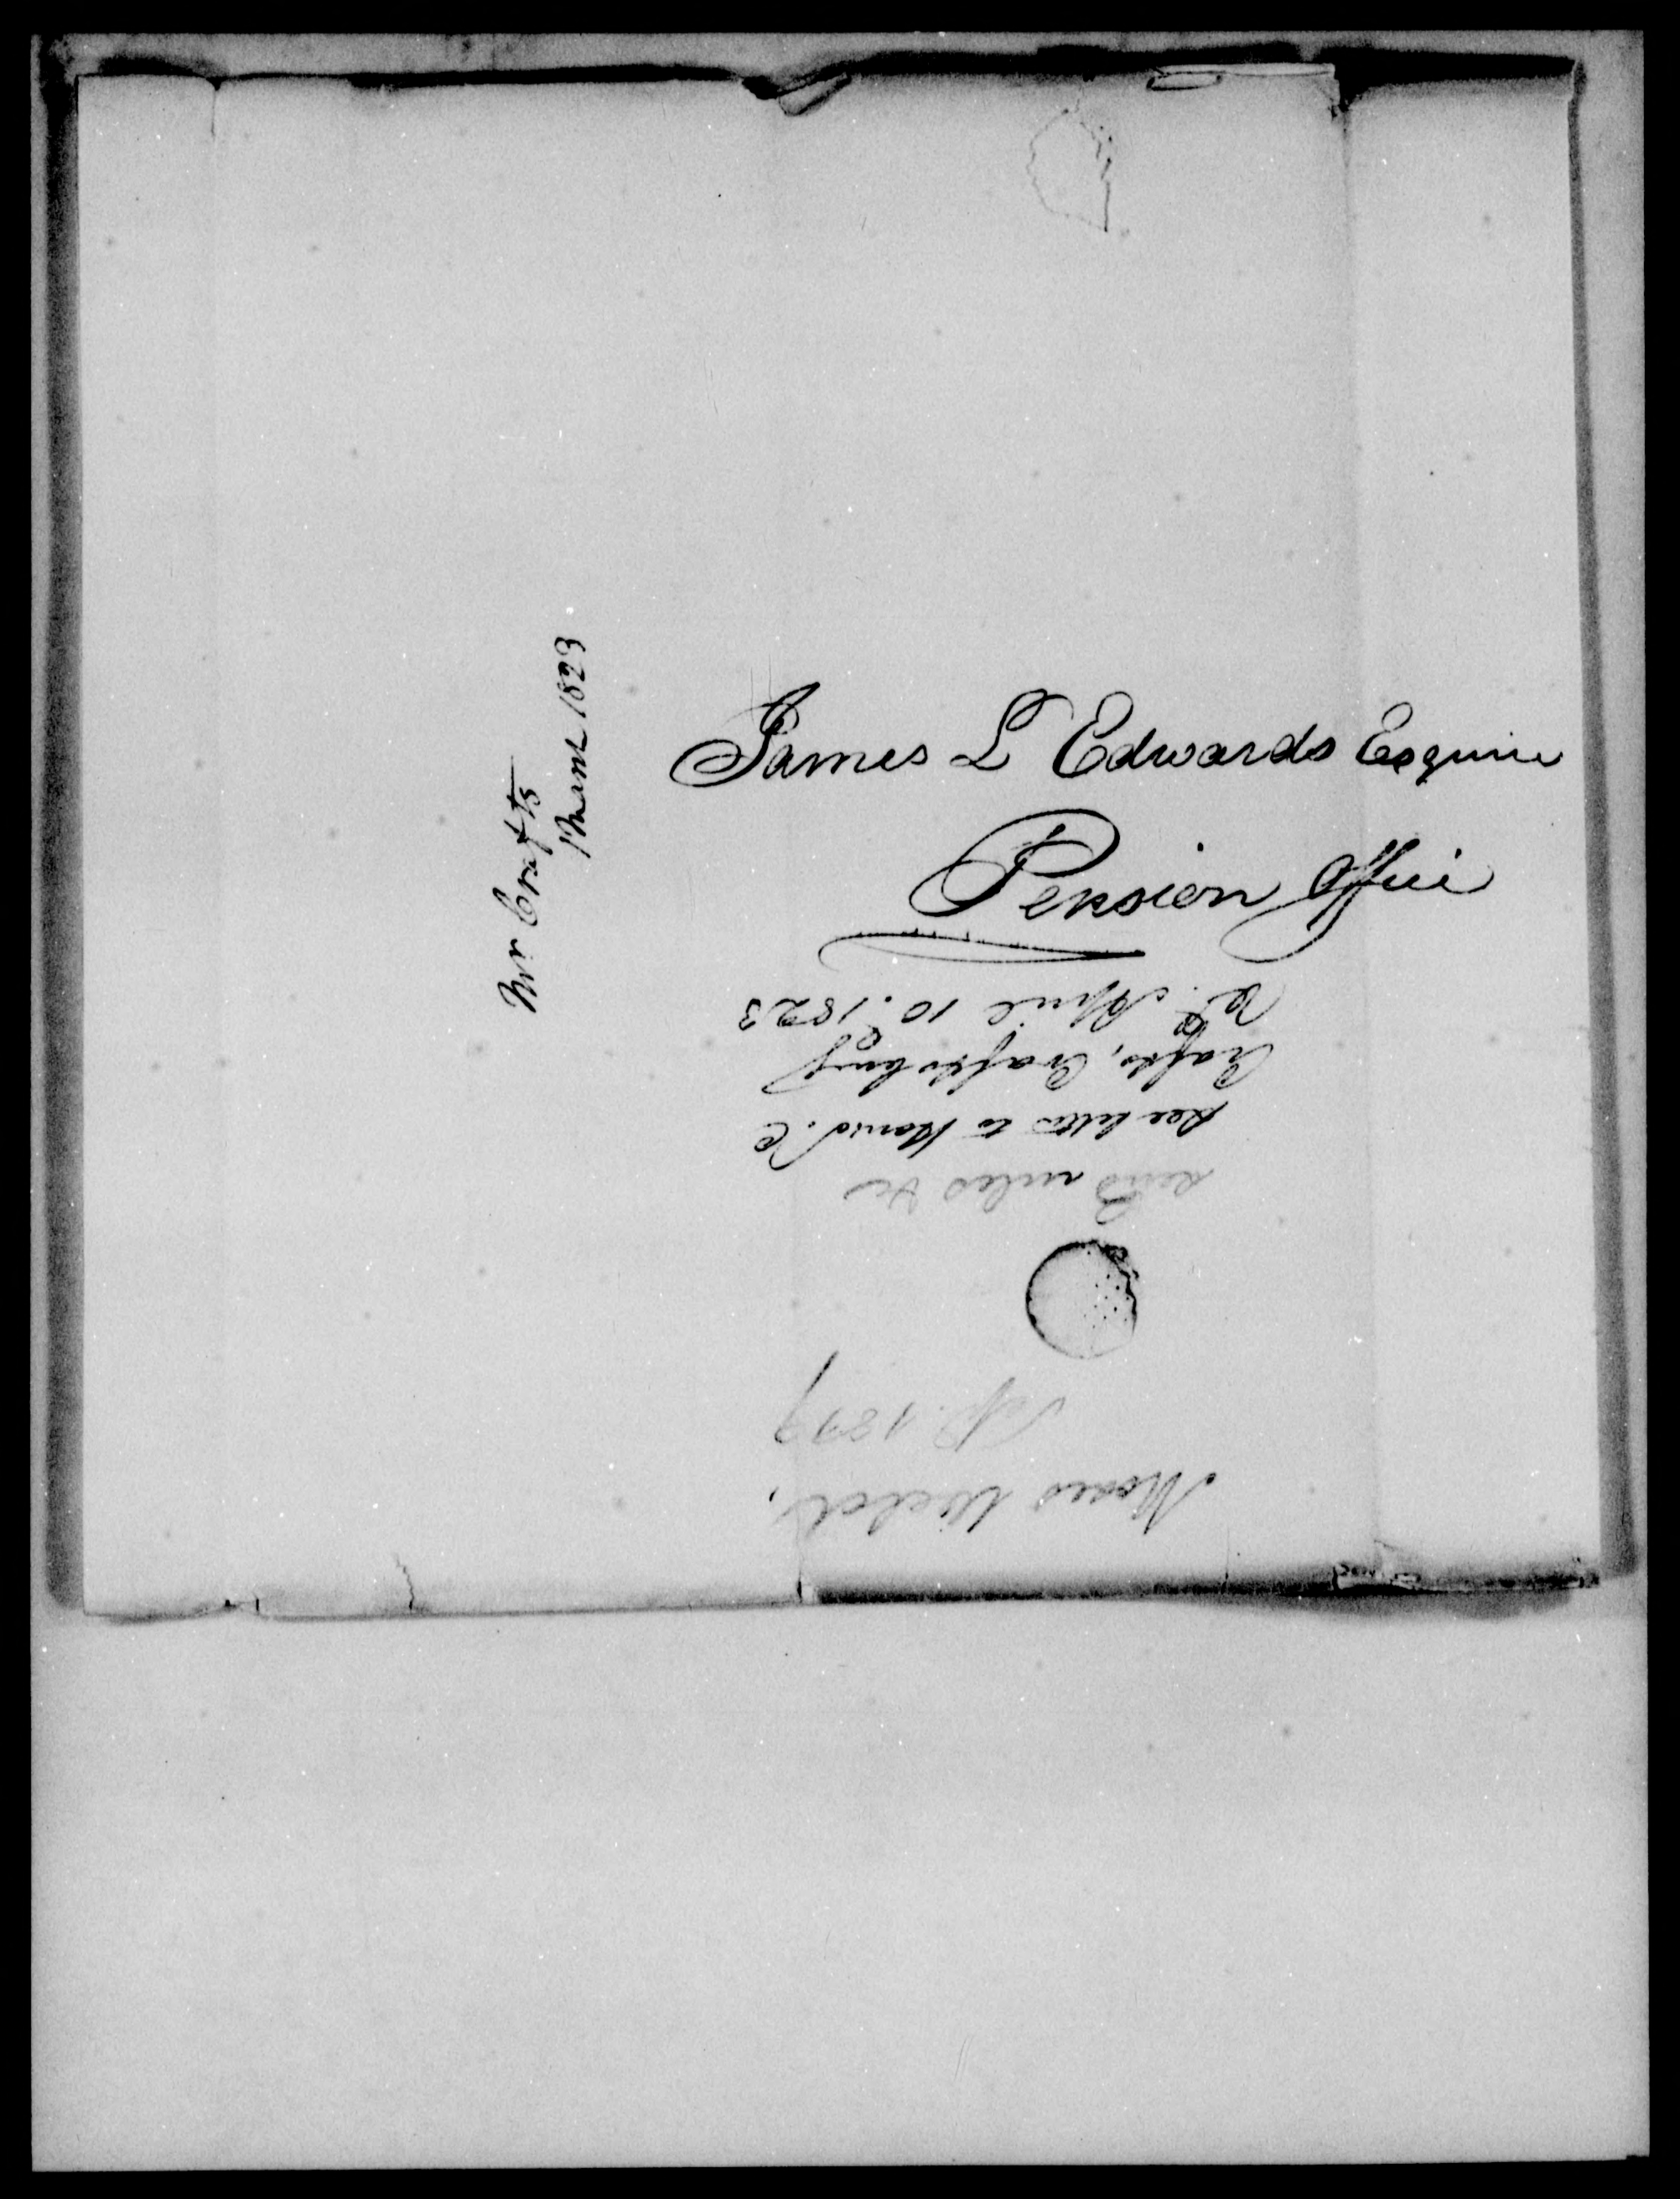Mr Crafts
March 1823
---
James L Edwards Esquire
Pension office

Edit: Text upside-down;
April 10th 1823
C. Crafts, Craftsbury, Vt.
See letter to David
Send rules to
Sept 1839
Moses Weld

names: James L Edwards, Moses Weld, Crafts, S C Crafts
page: 34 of 87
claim: widow's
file: W. 25,966, Moses Weld, Mass.